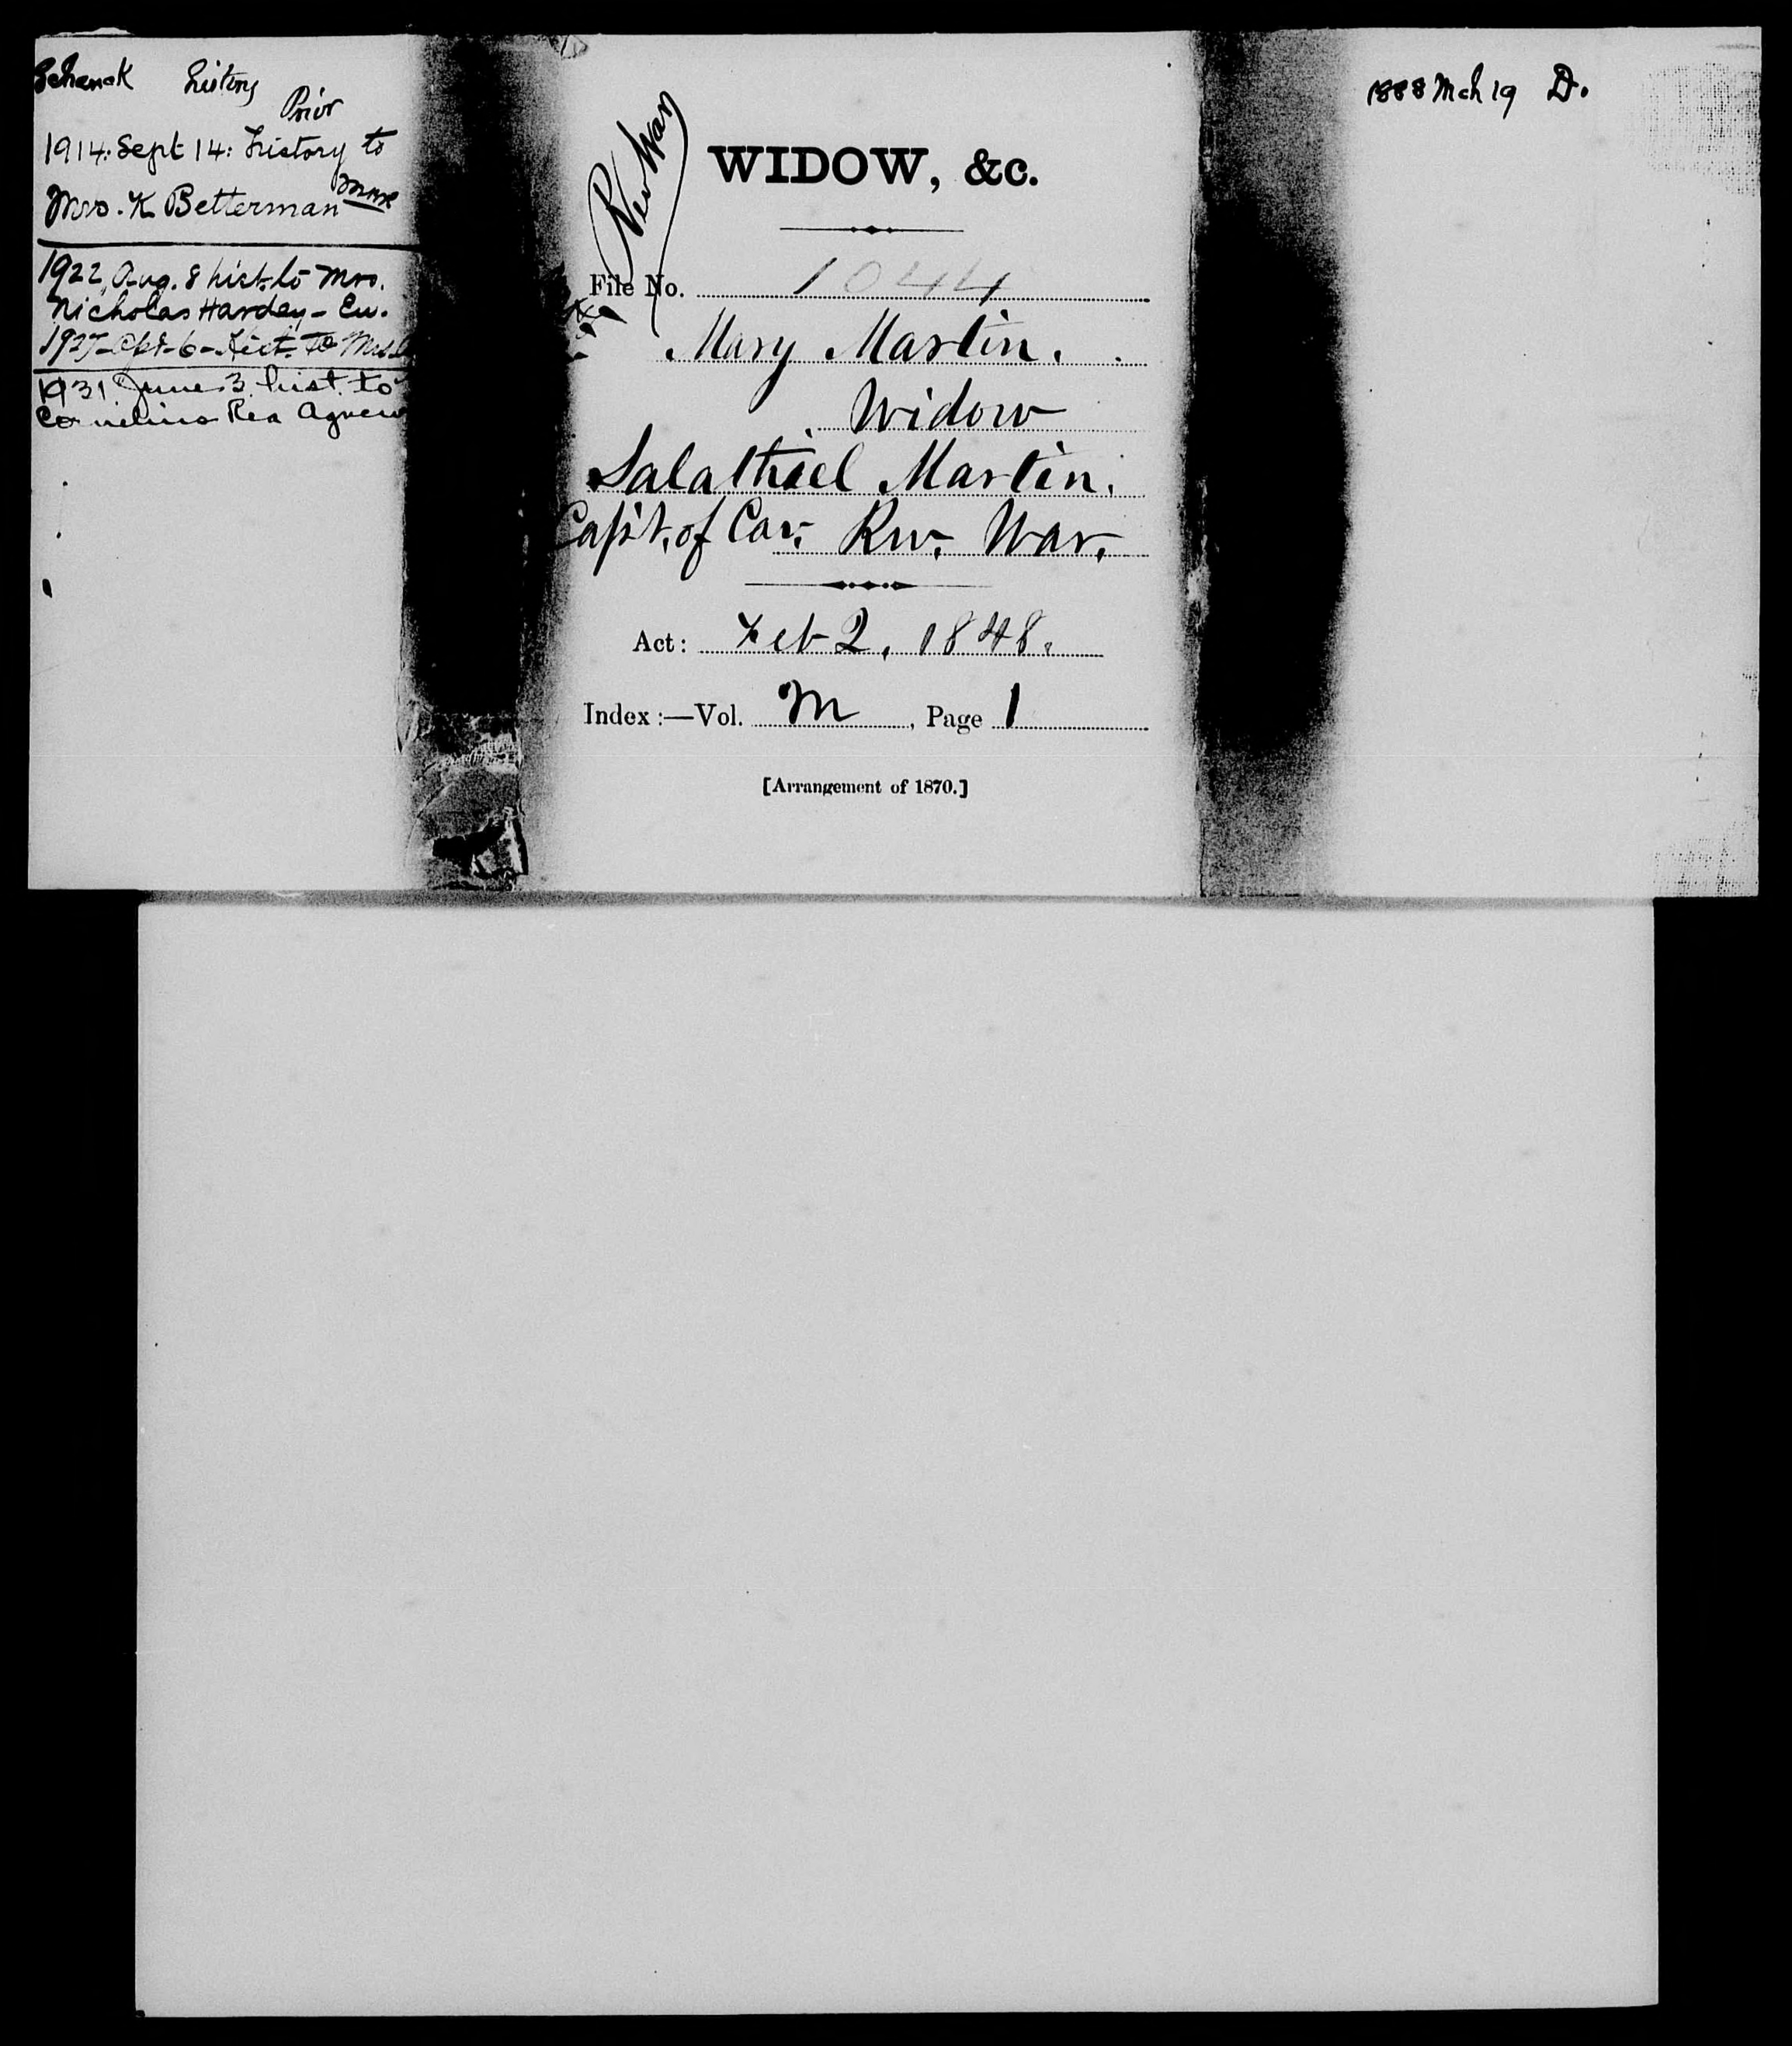[left side]
history
Privt
1914:Sept 14: history to
Mrs. K. Betterman 
[illegible]
1922 Aug. 8 hist. to Mrs.
Nicholas Hardey--Eu.
1927-Apl-6-Hist. to Mrs. [page damage]
1931.June 3. hist. to [page damage]
Cornelius Rea Agnew

[middle]
Rev War
WIDOW, &c.
File No. 1044
Mary Martin. 
widow
Salathiel Martin.
Cap't. of Cav. Rev. War.
Act: Feb 2, 1848.
Index:--Vol. M, Page 1

[Arrangement of 1870.]

[right side]
1888 Mch 19 D.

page: 34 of 120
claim: widow's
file: W. 1044, for Salathiel Martin, North Carolina